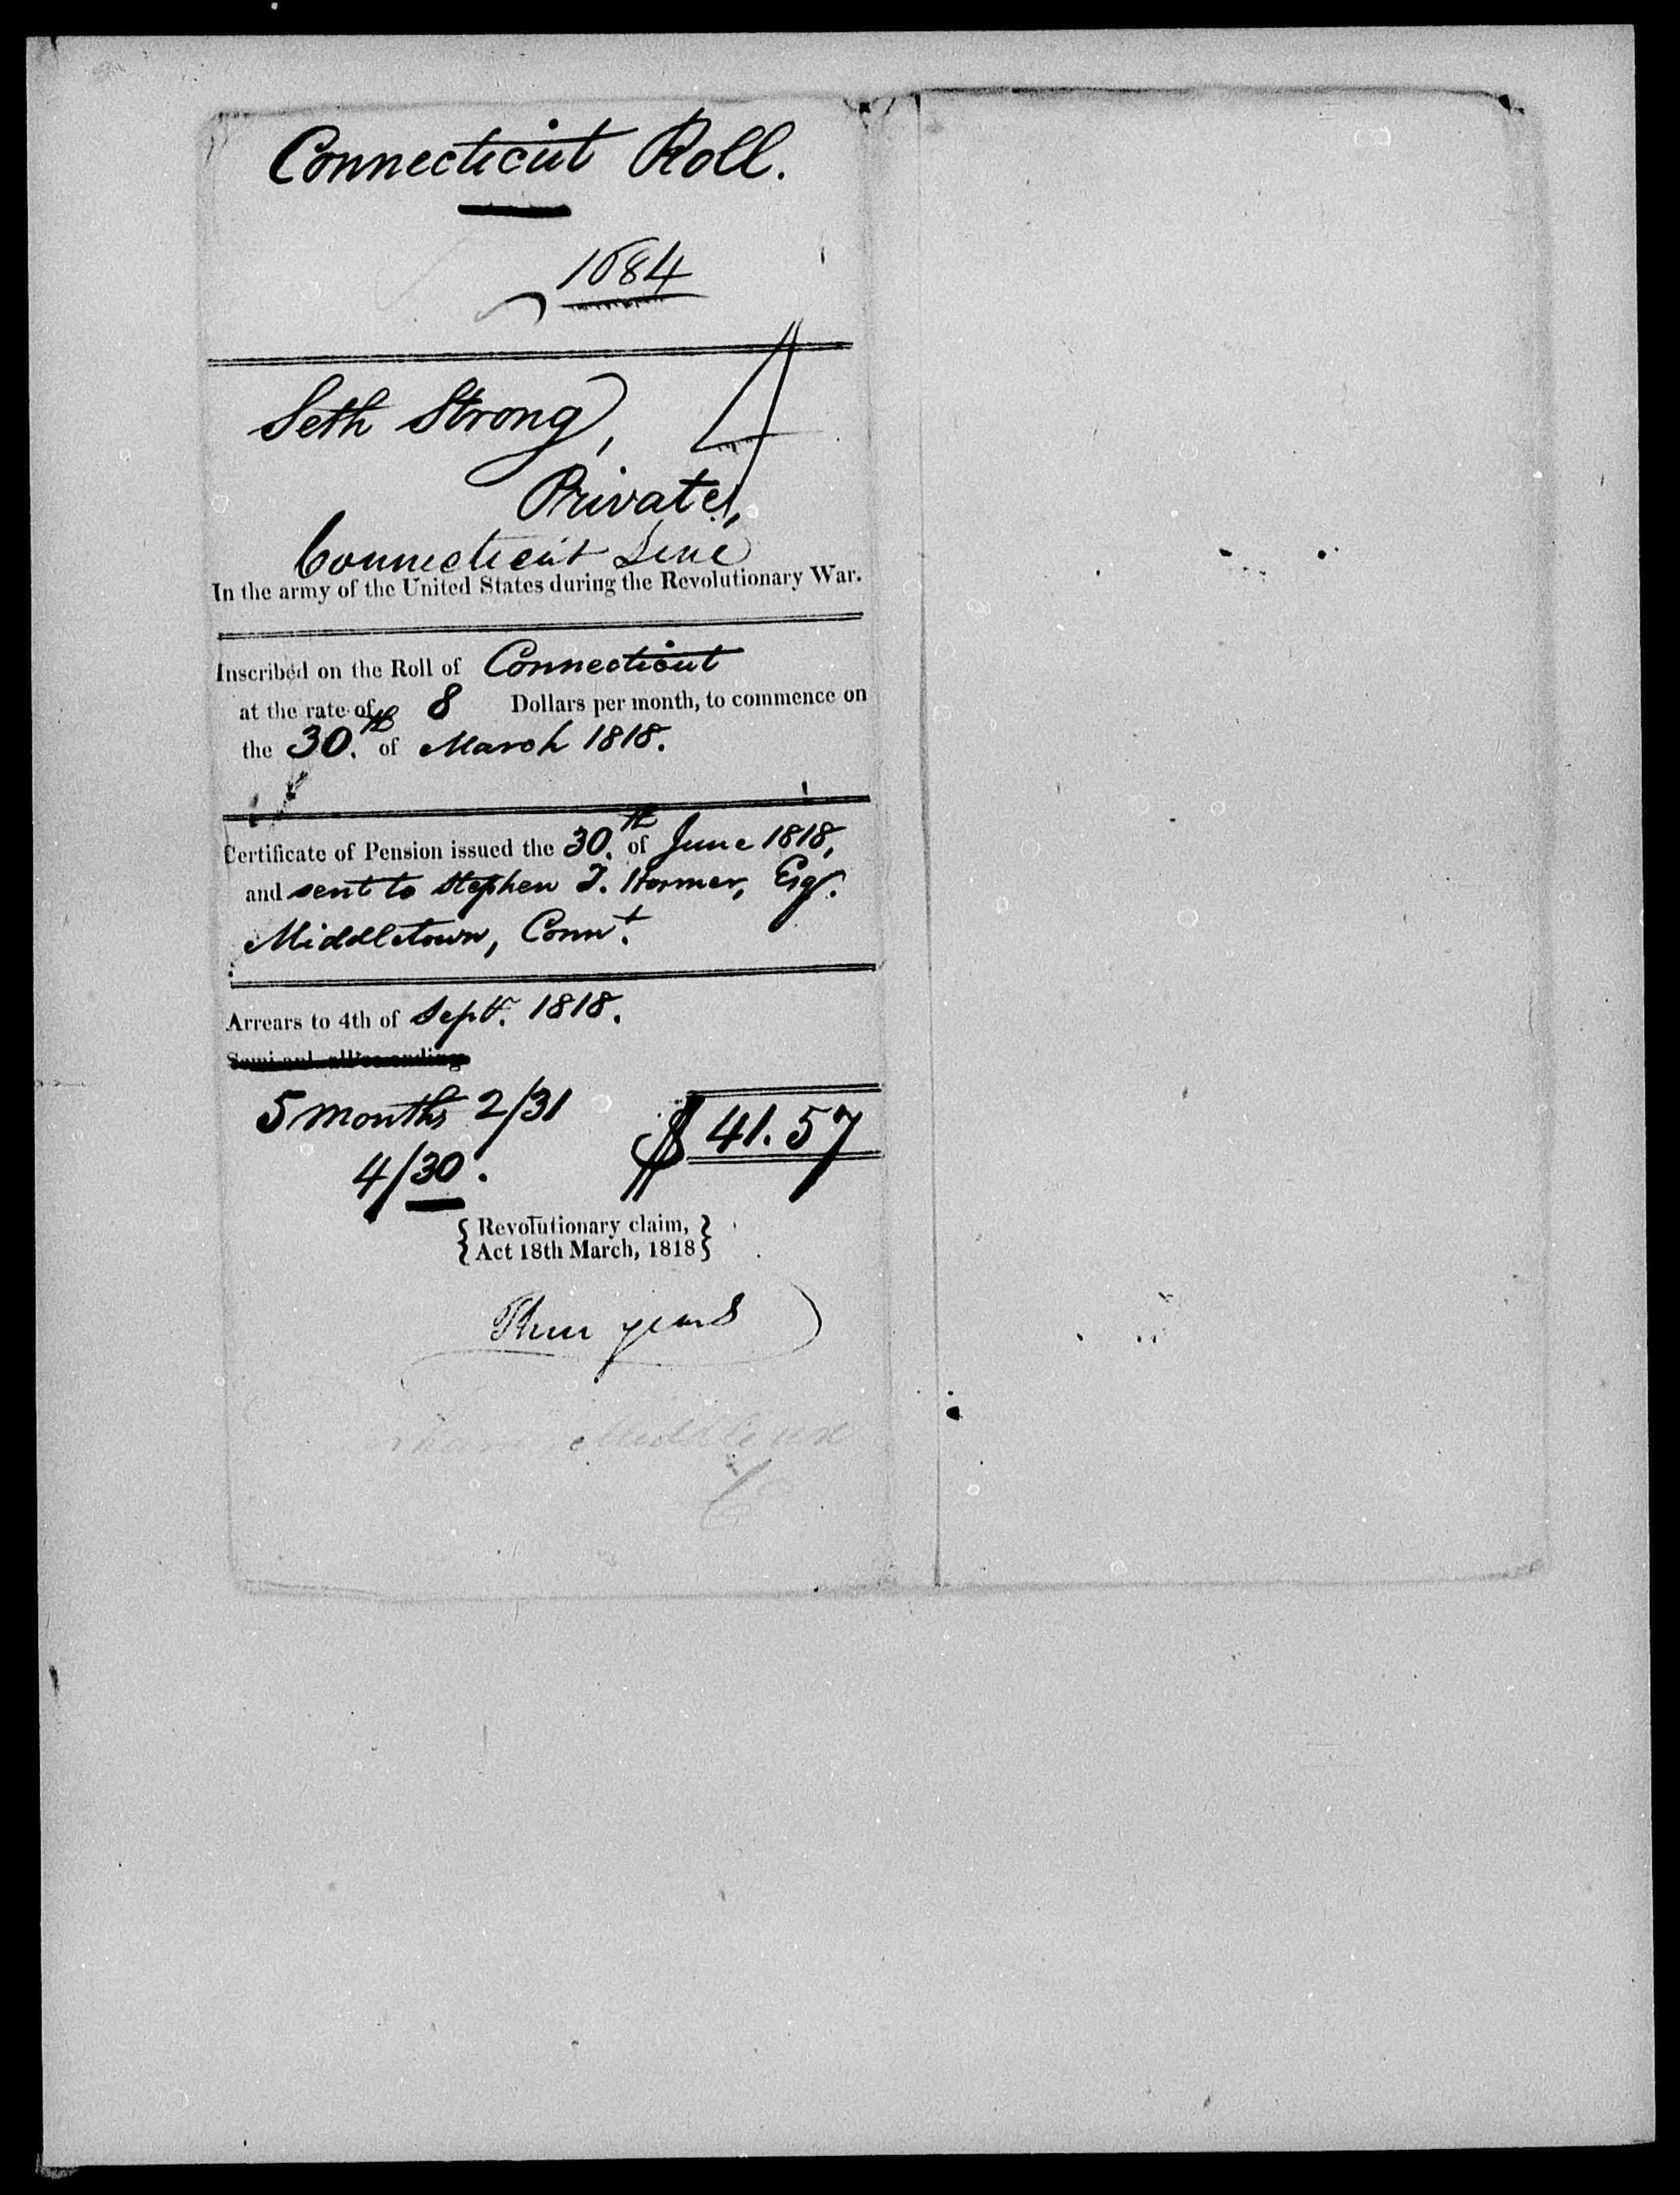Connecticut Roll.
1084

Seth Strong,
Private,
Connecticut Line

In the army of the United States during the Revolutionary War.

Inscribed on the Roll of Connecticut
at the rate of 8 Dollars per month, to commence on
the 30th of March 1818.

Certificate of Pension issued the 30th of June 1818,
and sent to Stephen T. Hosmer, Esq.
Middletown, Connt.

Arrears to 4th of Sept. 1818.

5 months 2/31
4/30.  $41.57

Revolutionary claim,
Act 18th March, 1818

Three years

Durham Middlesex
Co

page: 2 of 47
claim: widow's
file: W. 17879, for Seth Strong, Connecticut